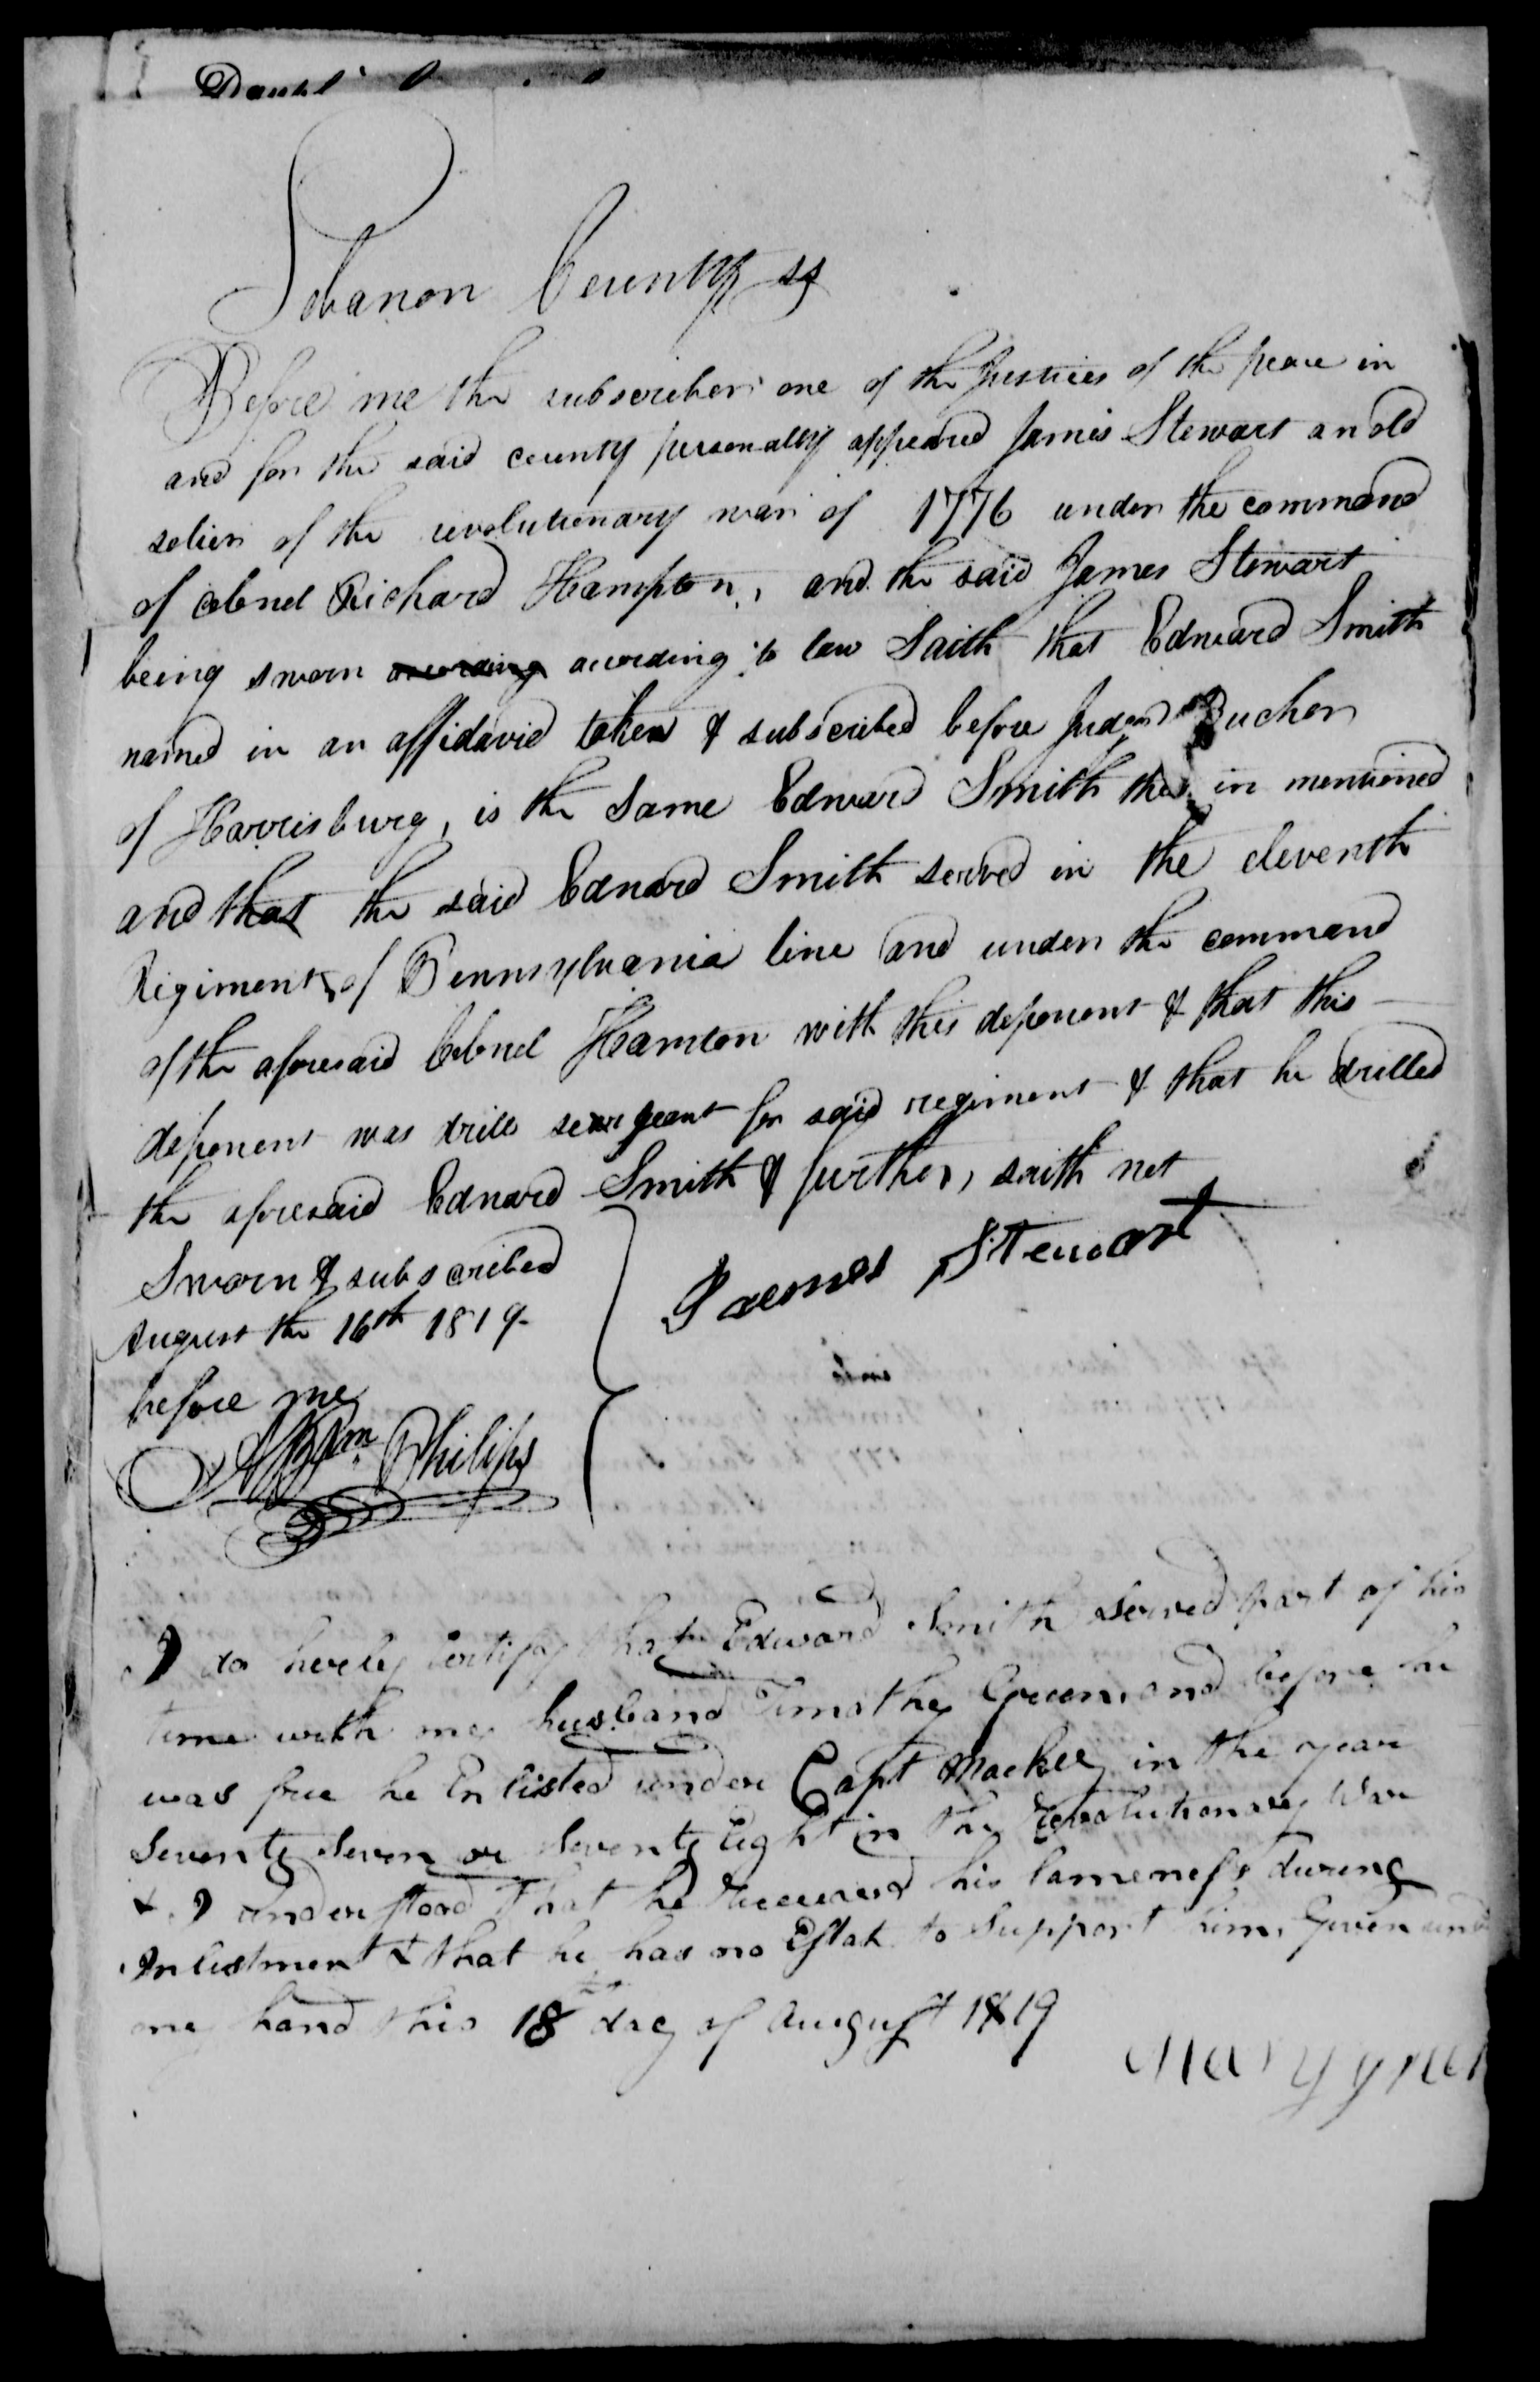Lebanon County ss

Before me the subscriber one of the Justices of the peace in
and for the said County personally appeared James Stewart an old soldier of the revolutionary war of 1776 under the command  of Col. Richard Hampton, and the said James Stewart being sworn according to law saith that Edward Smith
named in an affidavit taken & subscribed before Judge Bucher of Harrisburg, is the same Edward Smith therein mentioned
and that the said Edward Smith served in the eleventh Regiment of Pennsylvania line and under the command of the aforesaid Colonel Hampton with this deponent & that this deponent was drill sergeant for said regiment & that he drilled
the aforesaid Edward Smith & further saith not.

James Stewart

Sworn & subscribed
August the 16th 1819-
before me

Abrm. Philips

I do hereby certify that Edward Smith Served part of his time with my husband Timothy Green and before he
was free he Enlisted under Capt. Mackey in the year Seventy Seven or Seventy Eight in the revolutionary War & I understood that he received his lameness during
Inlistment {enlistment} & that he has no Estate to support him.
 Given under my hand this 18th day of August 1819.

Mary Green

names: Timothy Green; [BLANK] Hamton; James Stewart; Edward Smith; Edward Smith; James Stewart; Edward Smith; Edward Smith; [BLANK] Mackey; Richard Hampton; Abrm Philips; Mary Green; [BLANK] Bucher; Edward Smith; James Stewart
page: 6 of 20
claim: survivor's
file: S 40454, for Edward Smith, Pennsylvania